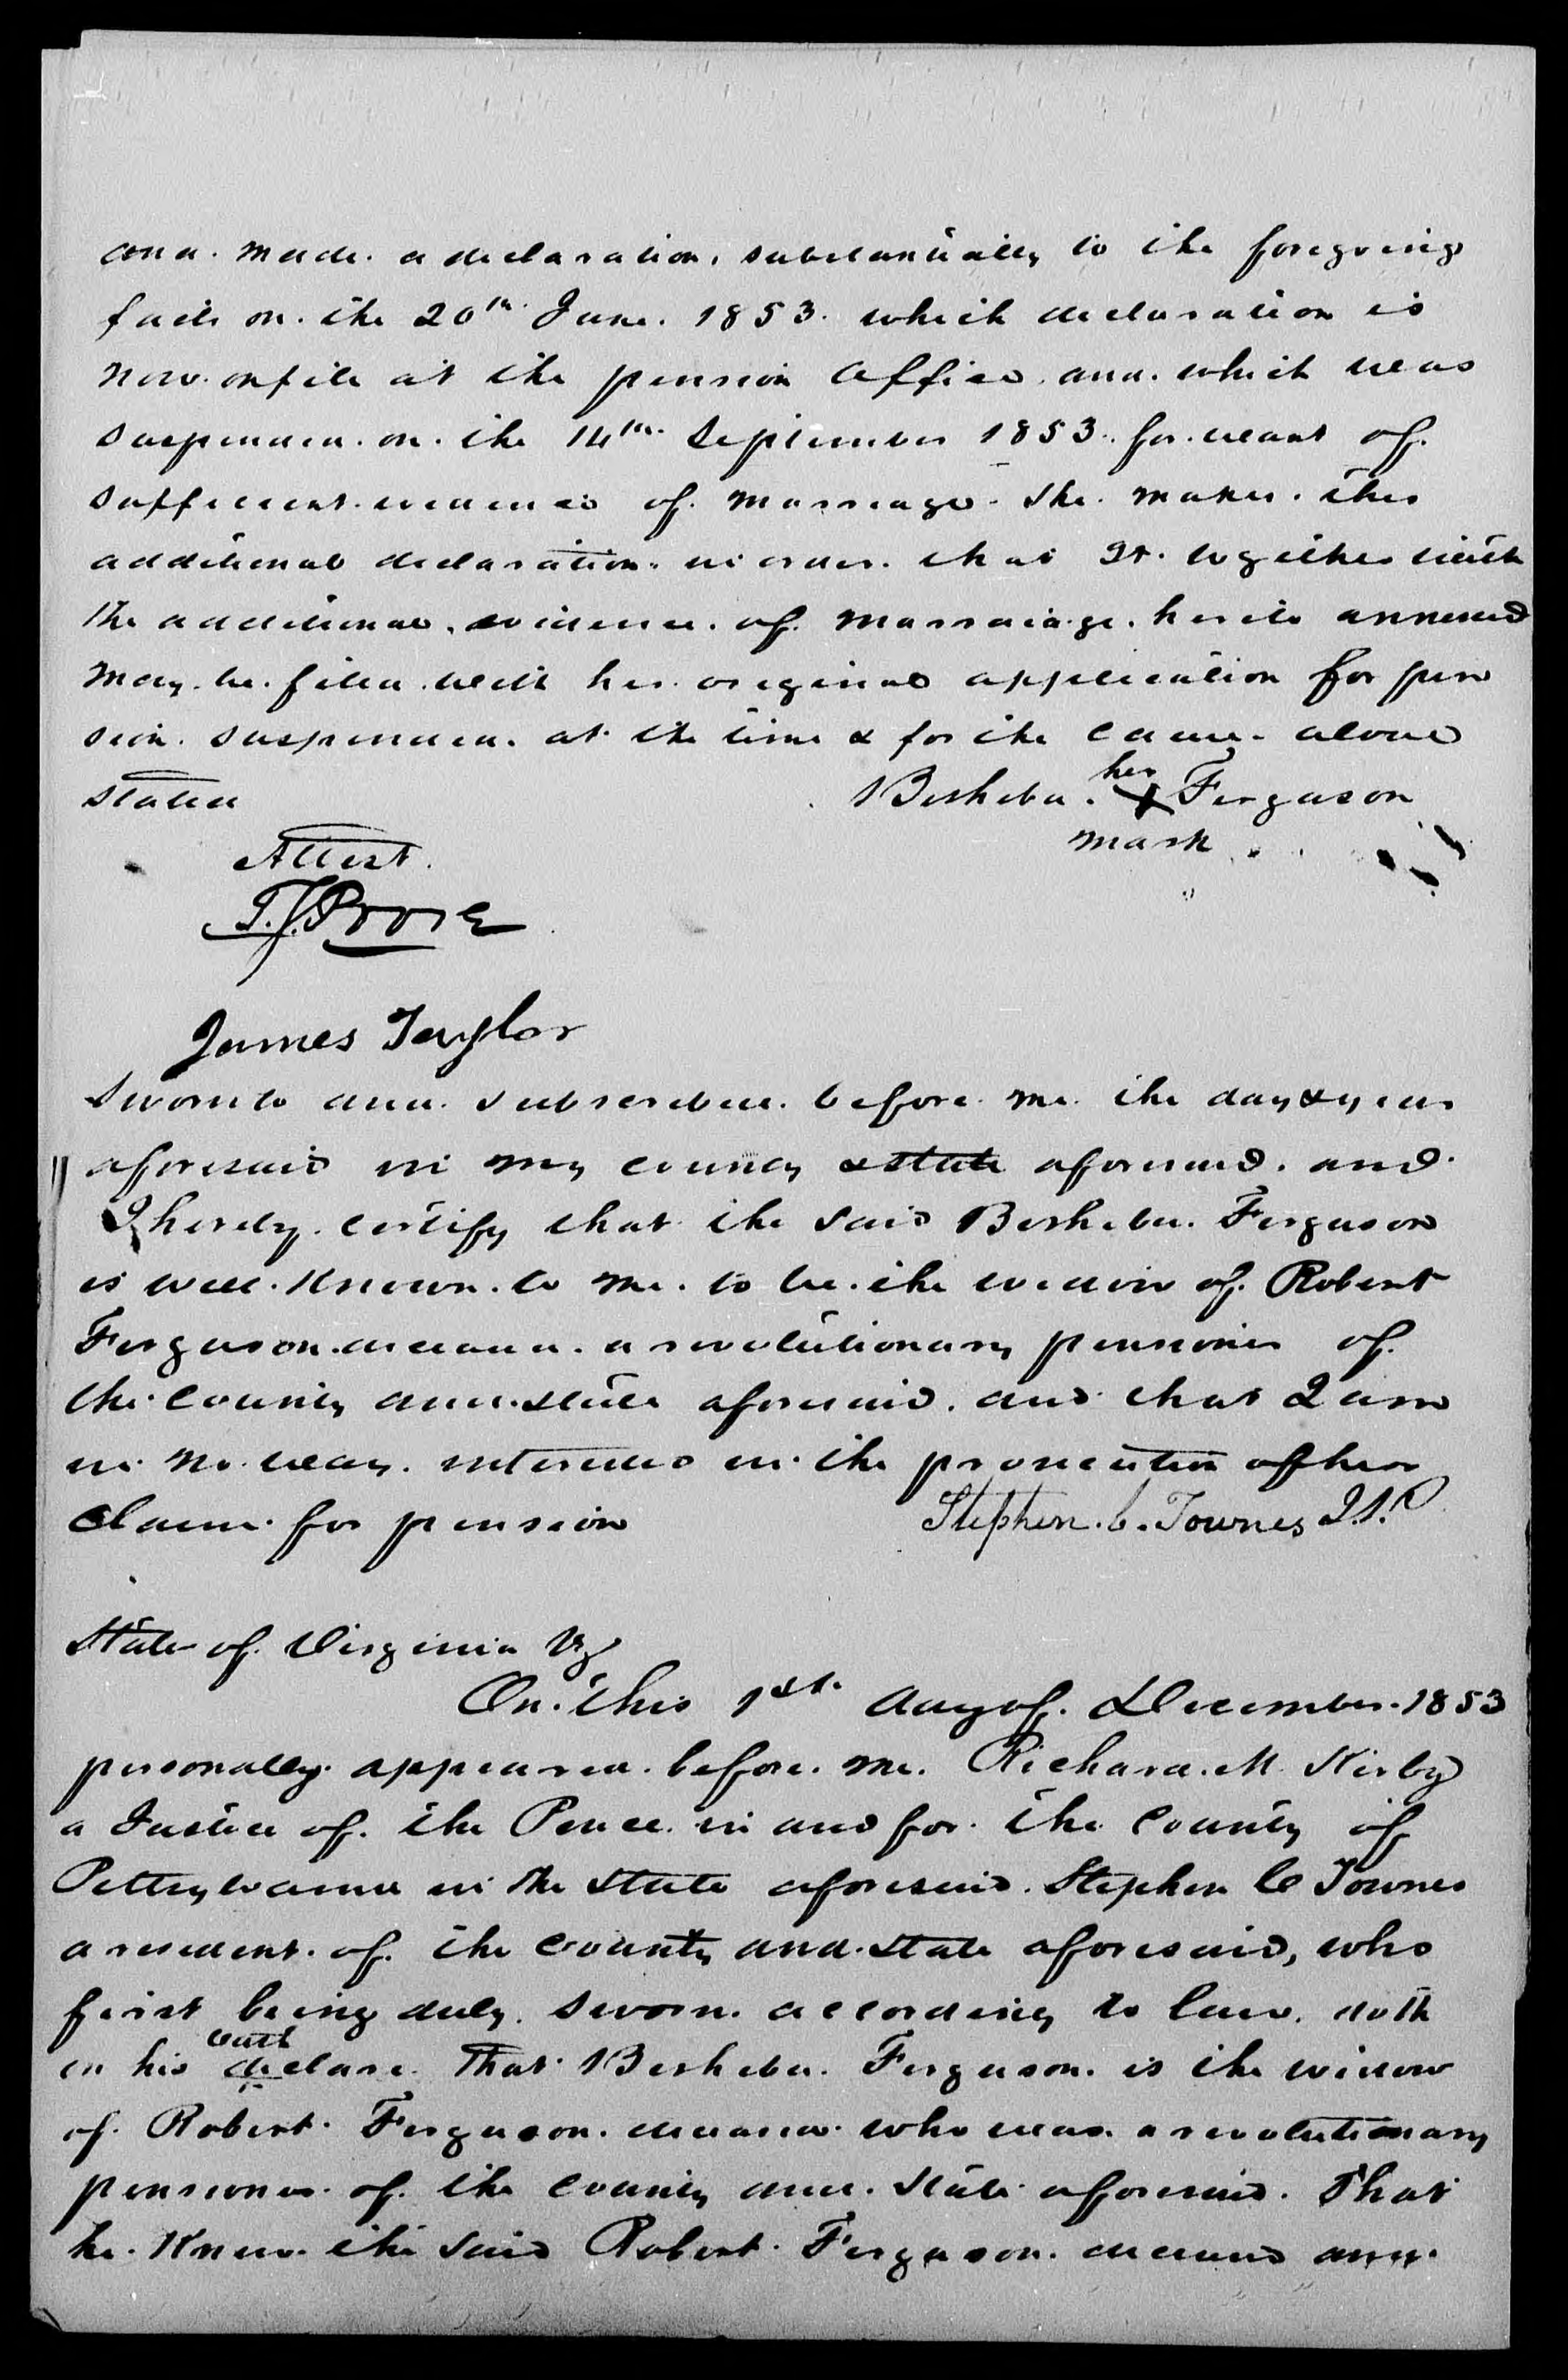and made a declaration, substantially to the foregoing facts on the 20th June 1853 which declaration is now on file at the pension office and which are as suspended on the 14th September 1853 for want of sufficient evidence of marriage. She makes this additional declaration in order that it with the additional evidence of marriage hereto is filed with her original application for pension suspended at the time & for the cause above stated.
Besheba X her mark Ferguson
Attest
[illegible]
James Taylor
Sworn to and subscribed before me the day and year aforesaid in said county attest aforesaid and I hereby certify that the said Beshaba Ferguson is well known to me to be the widow of Robert Ferguson, a revolutionary pensioner of the county aforesaid and that I am in no way interested in the provision of her claim for pension. Stephen C. Townes JP

State of Virginia
On this 1st day of December 1853 personally appeared before me Mr. Richard M Kirby a Justice of the Peace in and for the county of Pittsylvania in the State aforesaid. Stephen L Townes a resident of the county and state aforesaid, who first being duly sworn acrroding to law, doth in his oath declare that Beshaba Ferguson is the widow of Robert Ferguson who was a revolutionary pensioner of the county and state aforesaid. That he knows the said Robert Ferguson [illegible]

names: Robert Ferguson, T J Bore, Stephen C Townes, Richard M Kirby, Besheba Ferguson, Besheba Ferguson, James Taylor, Robert Ferguson, Robert Ferguson, Besheba Ferguson, Stephen C Townes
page: 75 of 81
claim: widow's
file: W. 7262, Robert Ferguson, Va.